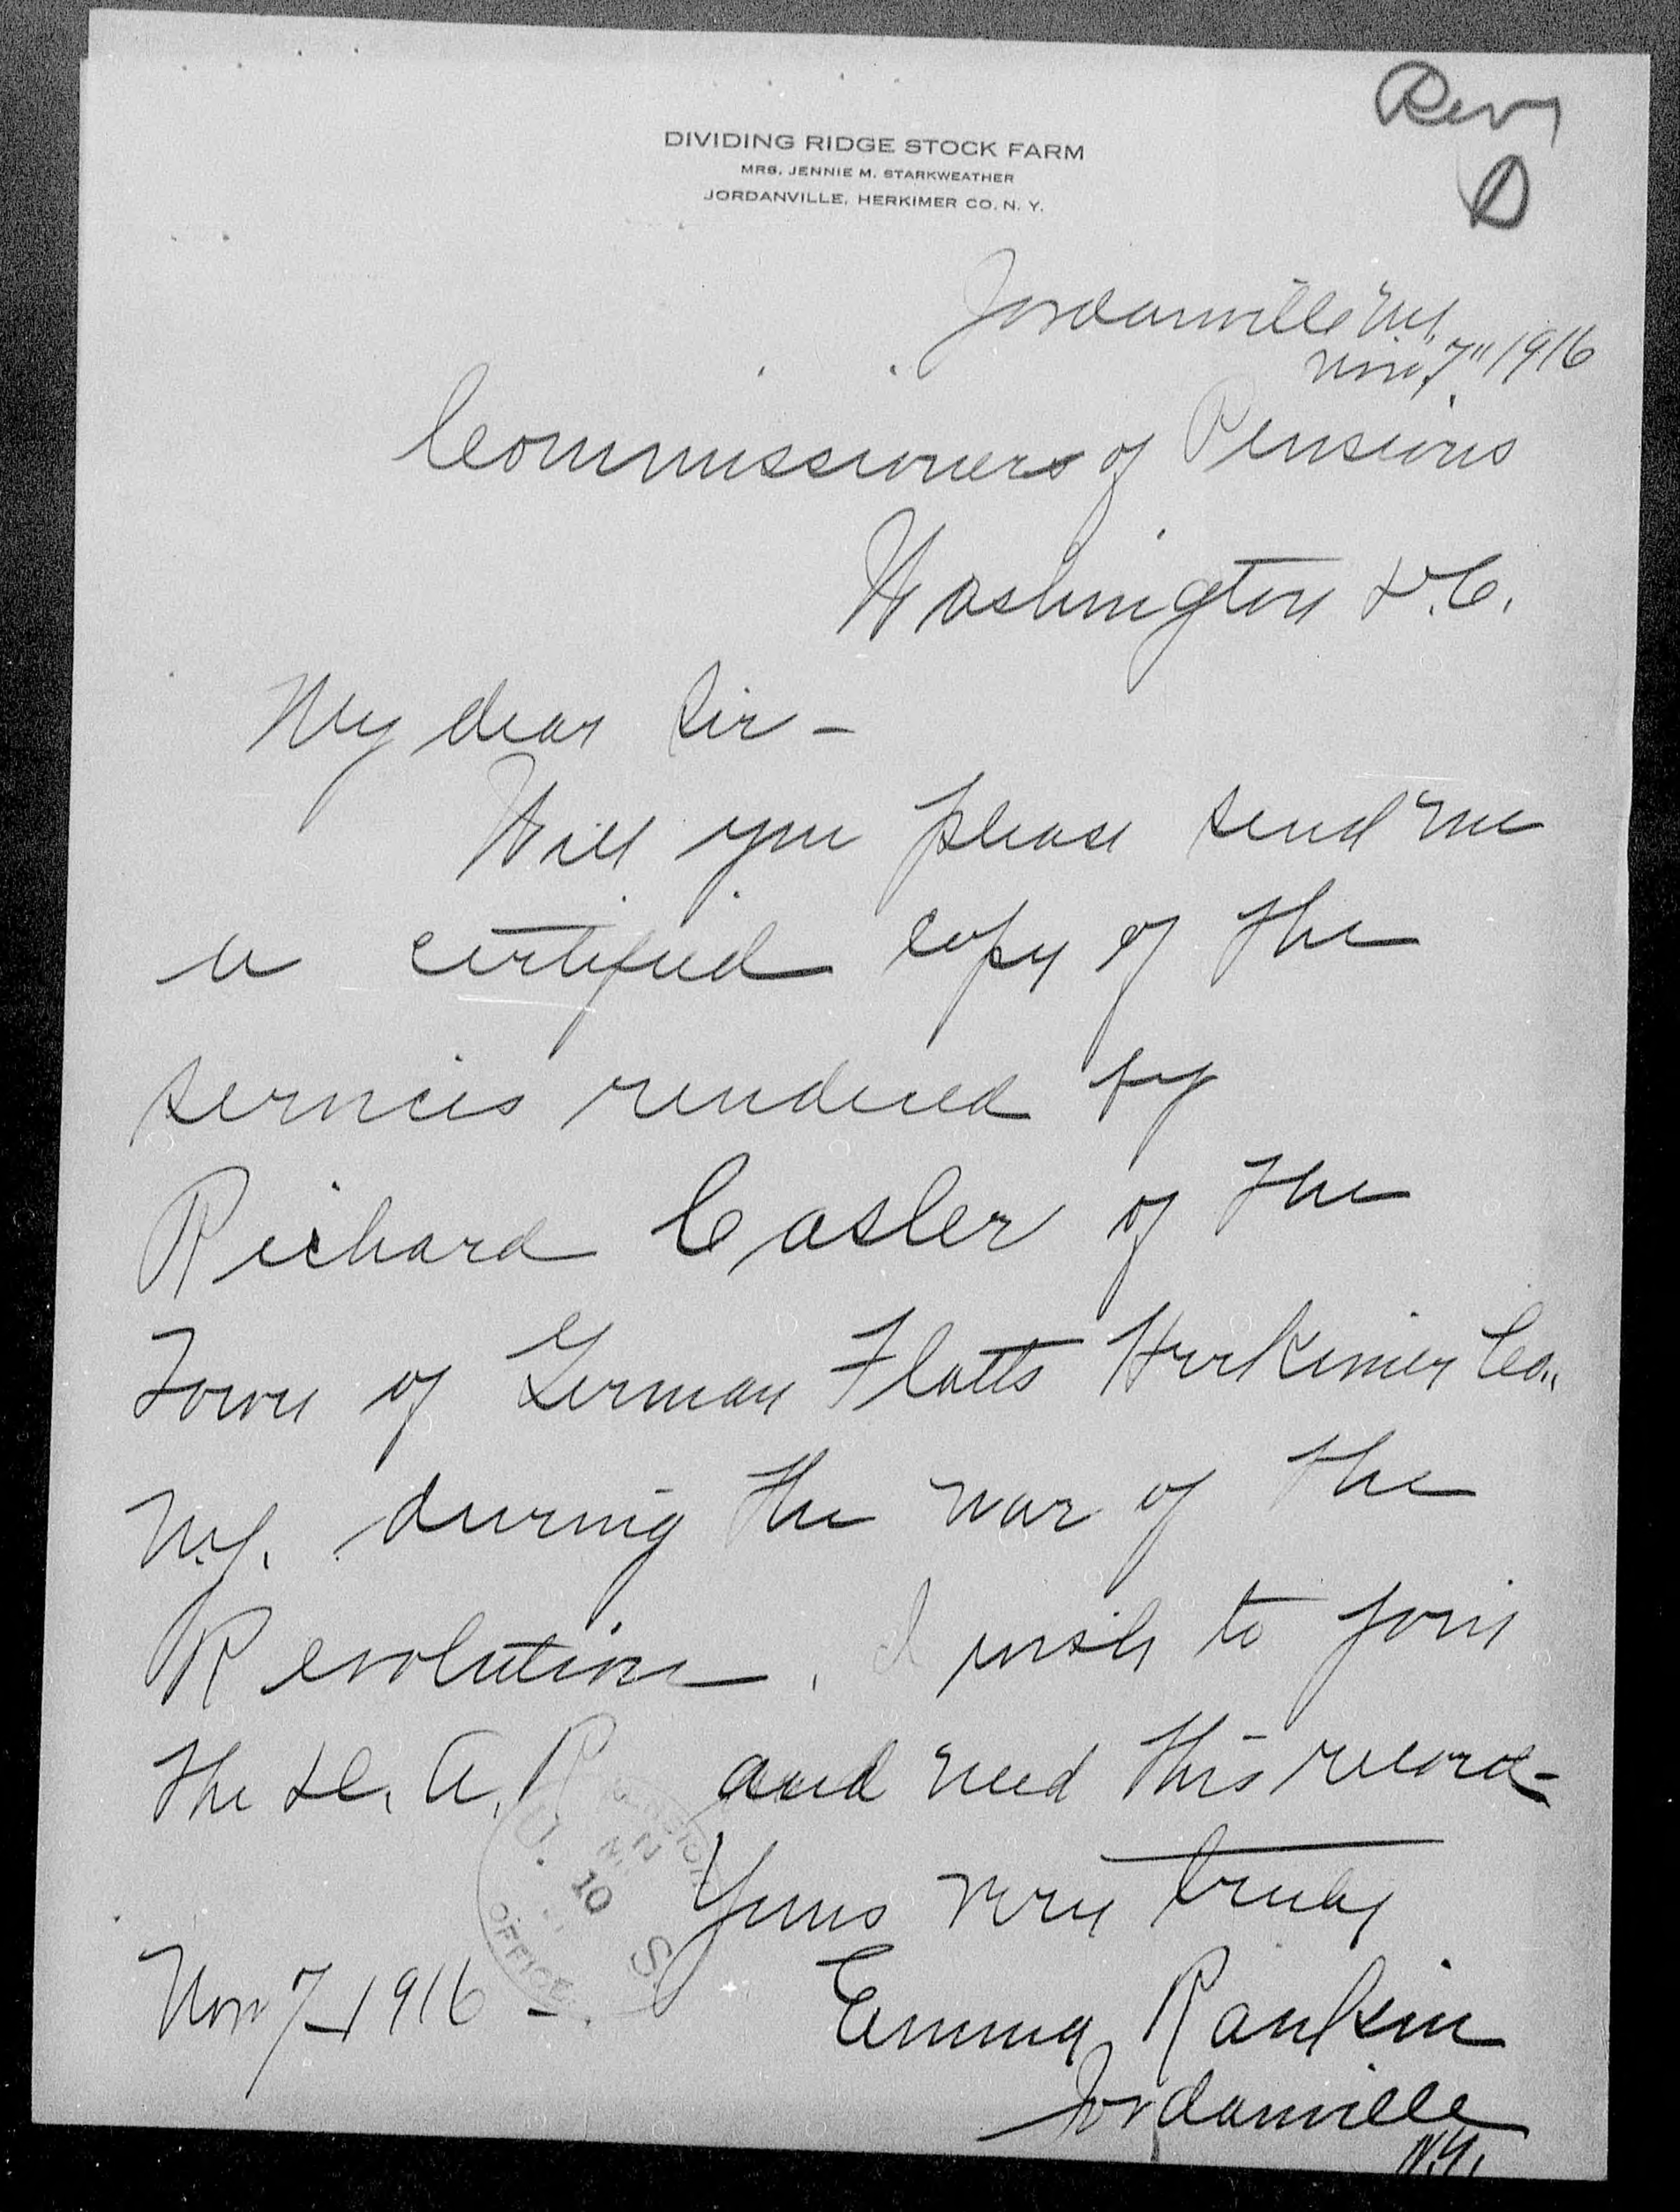Rev D
DIVIDING RIDGE STOCK FARM 
MRS. JENNIE M. STARKWEATHER 
JORDANVILLE, HERKIMER CO. N.Y.
Jordanville N.Y.
Nov 7” 1916
Commissioner of Pensions 
Washington D.C. 
My dear Sir – 
Will you please send me certified copy of the services rendered by Richard Casler of the Town of German Flatts Herkimer Co. N.Y. during the war of the Revolution -. I wish to join the D.A.R. and need this record – 
Yours very truly 
Emma Rankin
Jordanville N.Y.

Nov 7 – 1916

[stamp]
U.S. Pension Office NOV 10 1916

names: Richard Casler, Emma Rankin, Jennie M Starkweather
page: 64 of 66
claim: widow's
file: W. 6637, Richard Caslar, New York